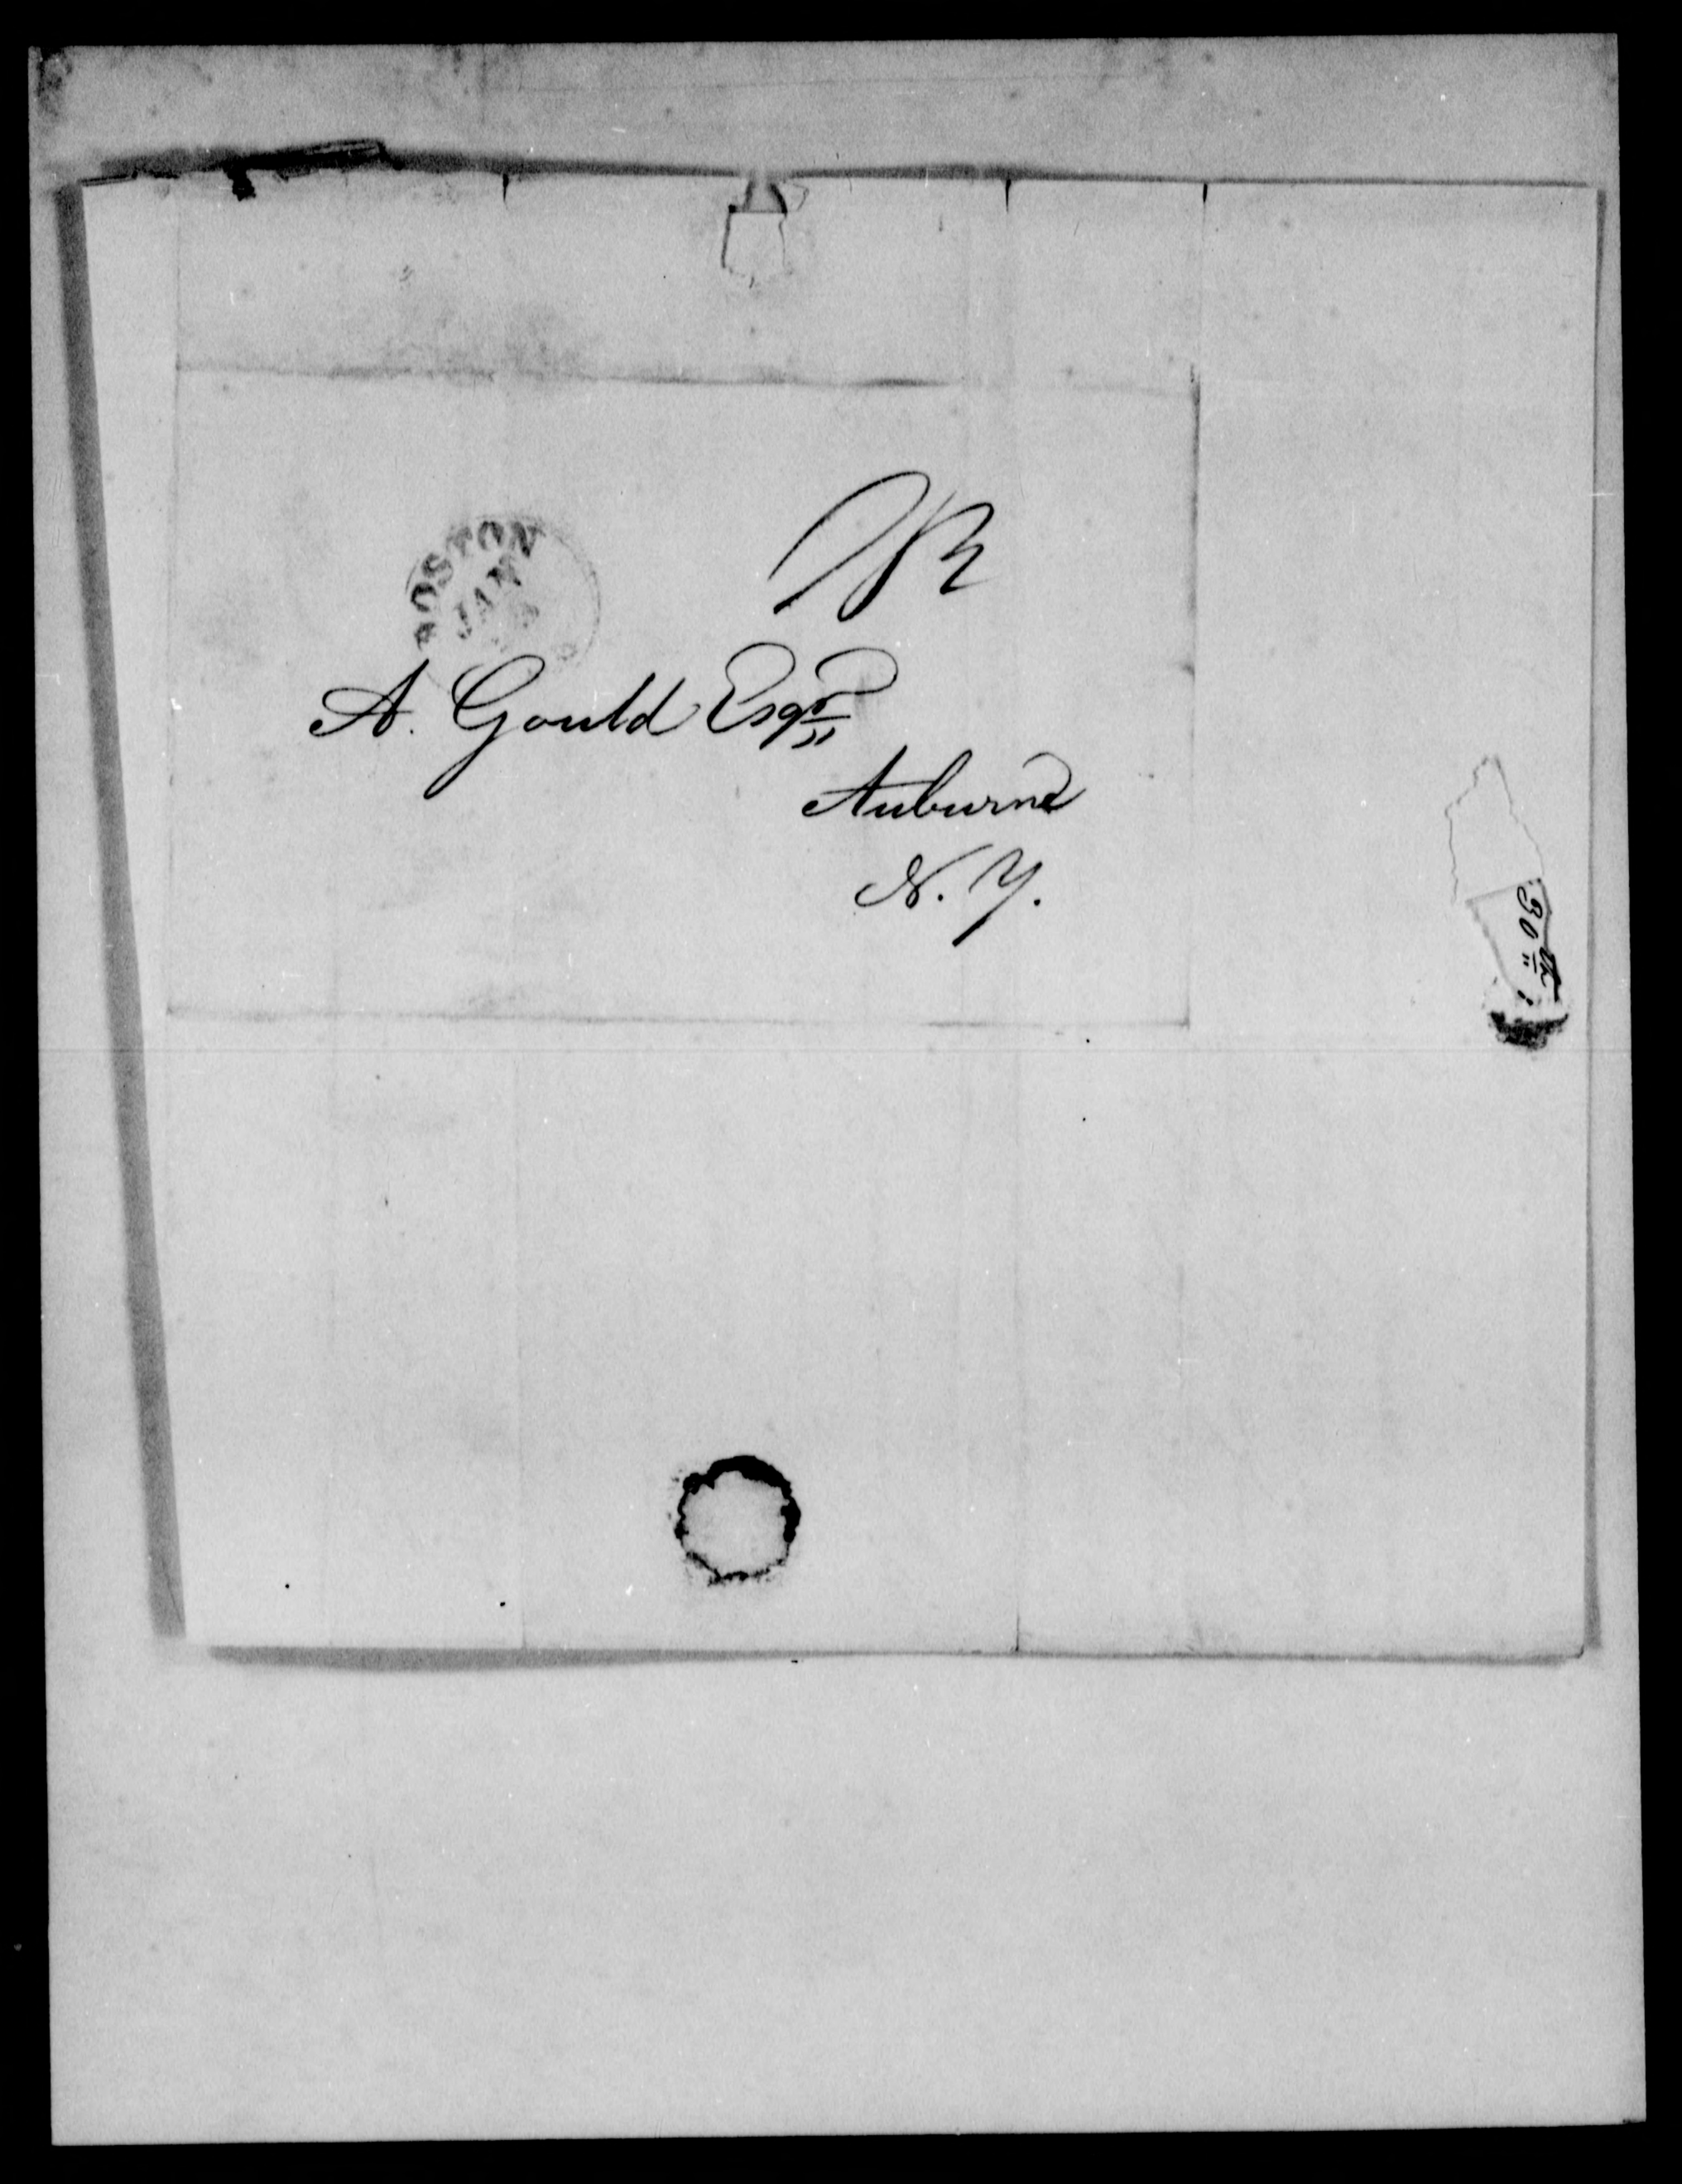[Post mark-Boston Jan. (illegible)]

A. Gould Esqr.
Auburn N. Y.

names: A Gould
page: 76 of 98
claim: widow's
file: W. 1682, Valentine Wheeler, Mass.